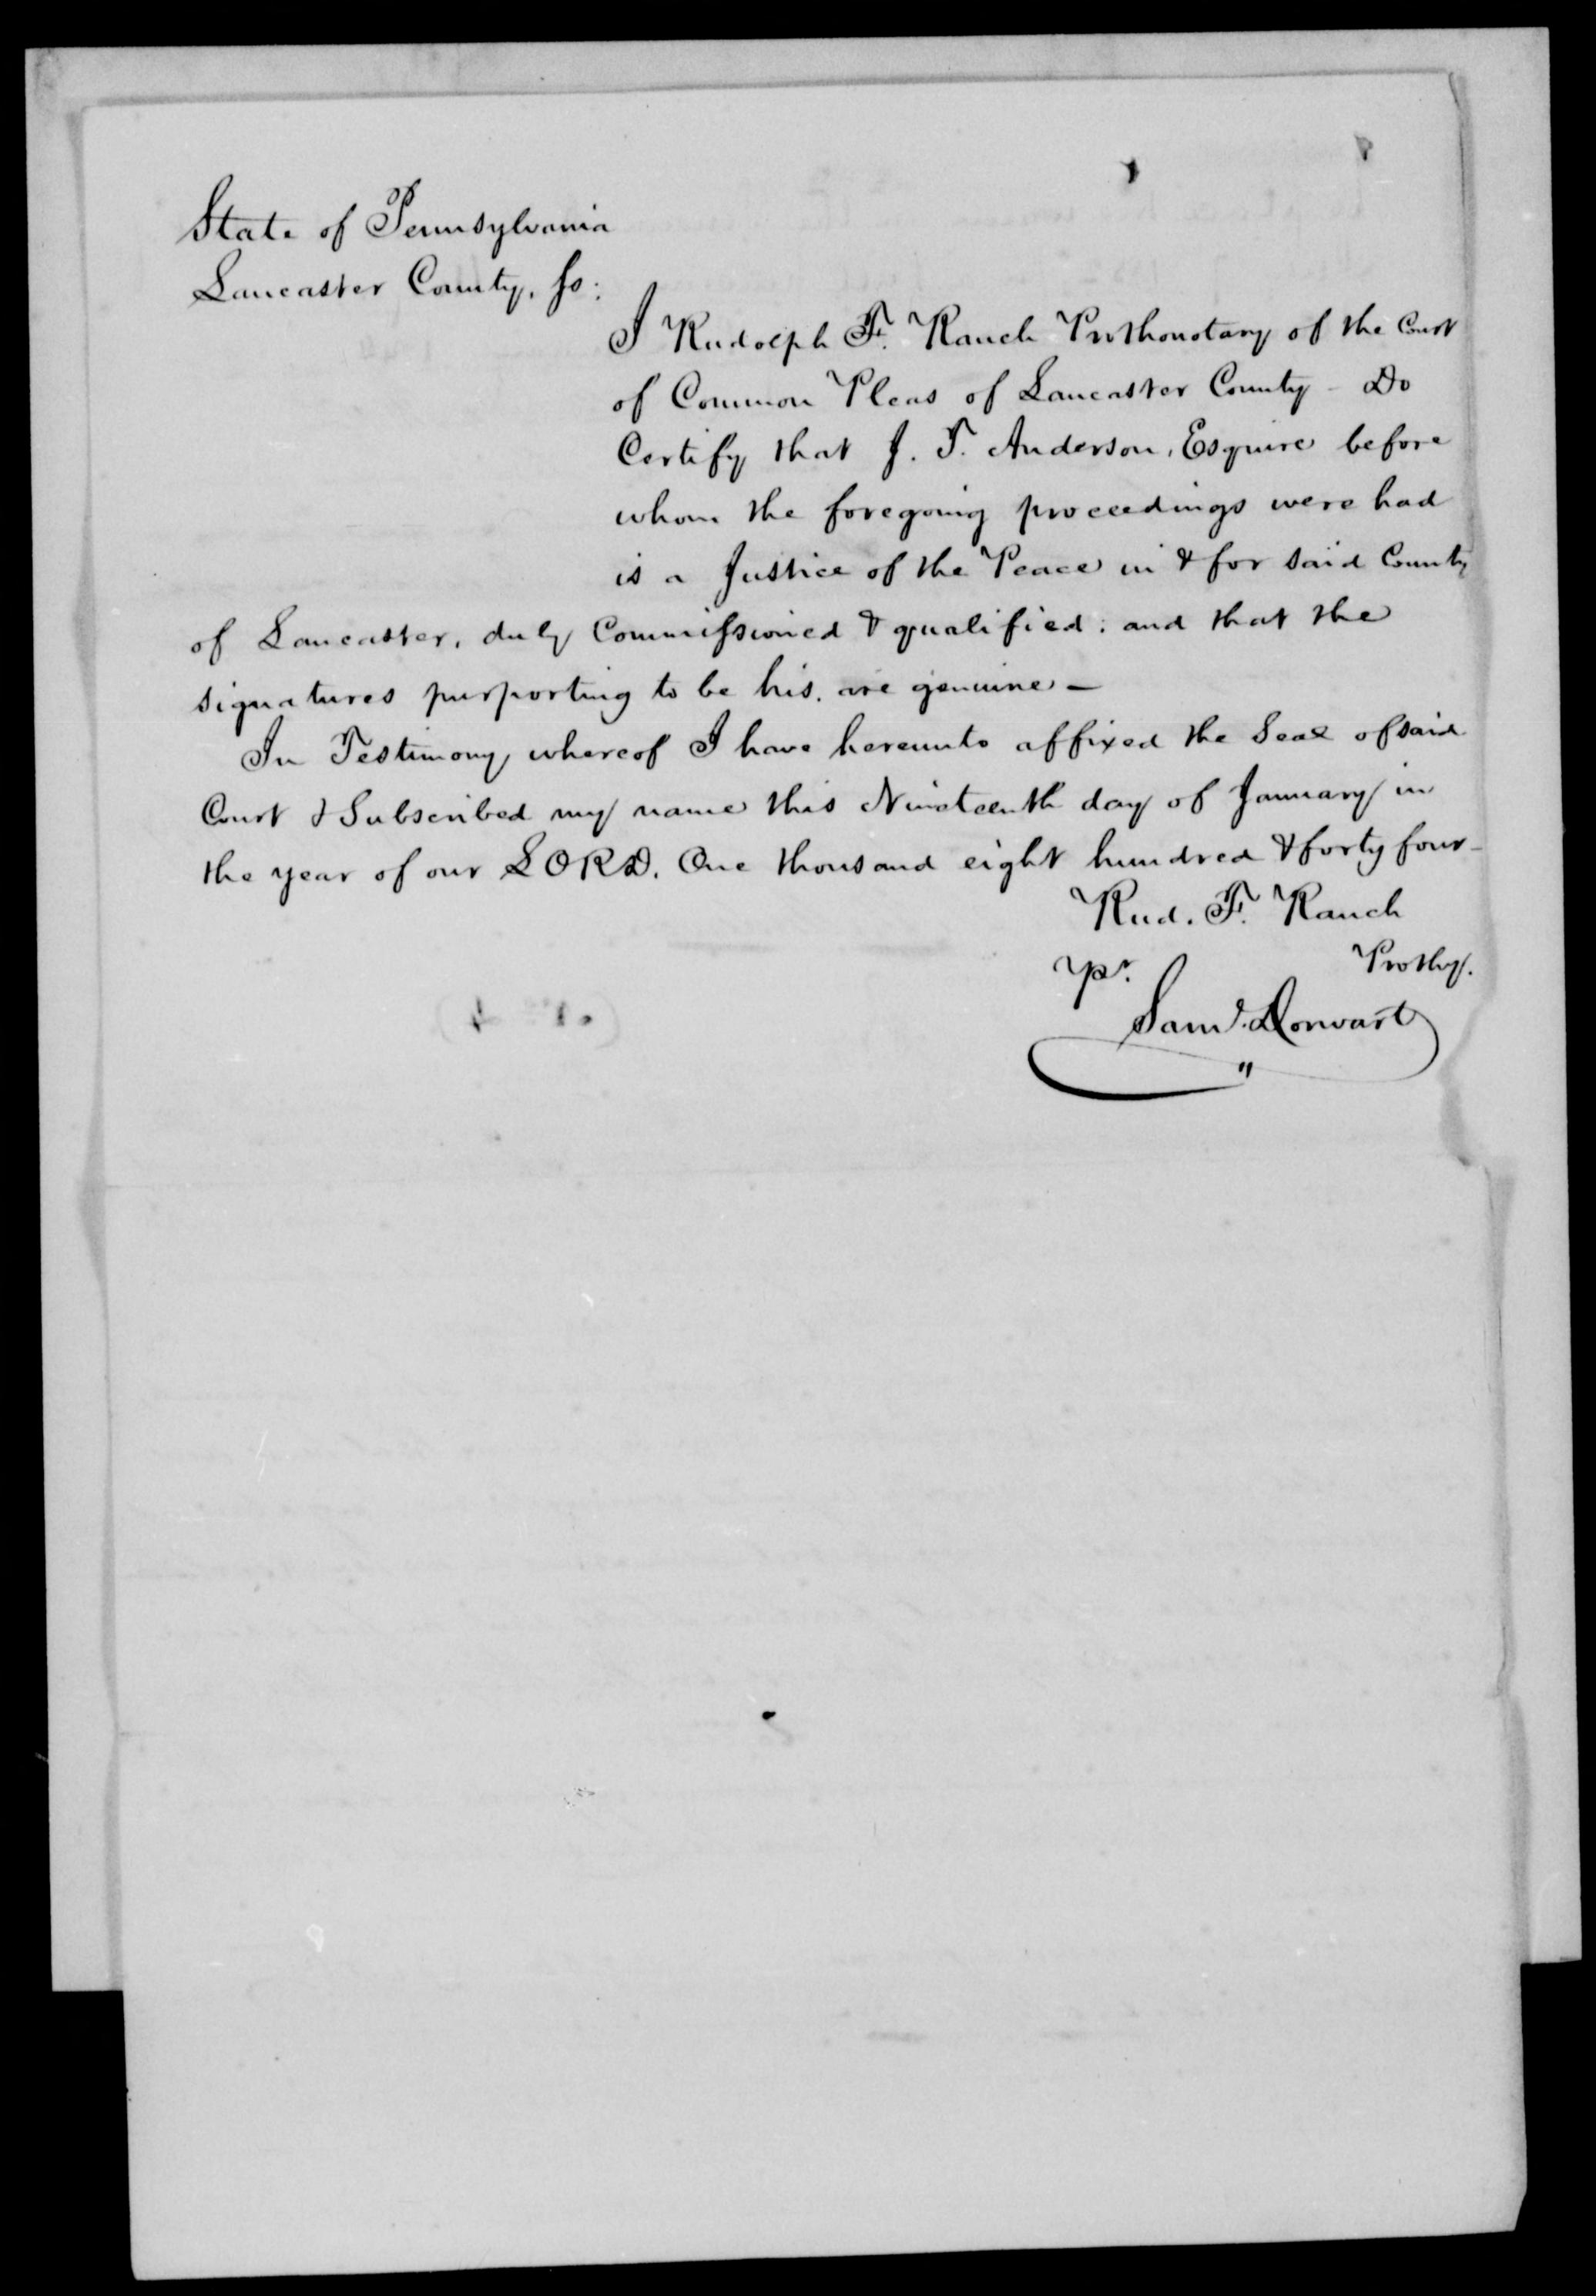State of Pennsylvania
Lancaster County, ss:
I Rudolph F. Ranch Prothonotary of the Court of Common Pleas of Lancaster County. Do certify that J. T. Anderson, Esquire before whom the foregoing proceedings were had is a Justice of the Peace in & for said County of Lancaster, duly Commissioned & qualified; and that the signatures purporting to be his are genuine-
In Testimony whereof I have hereunto affixed the Seal of said Court & Subscribed my name this Nineteenth day of January in the year of our LORD. One thousand eight hundred & forty four.
Rud. F. Rauch
Pr. Prothy.
Saml. Dorwart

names: J T Anderson, Rudolph F Rauch, Saml Dorwart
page: 53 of 68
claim: survivor's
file: S. 6,358, George Wentling, Penn.